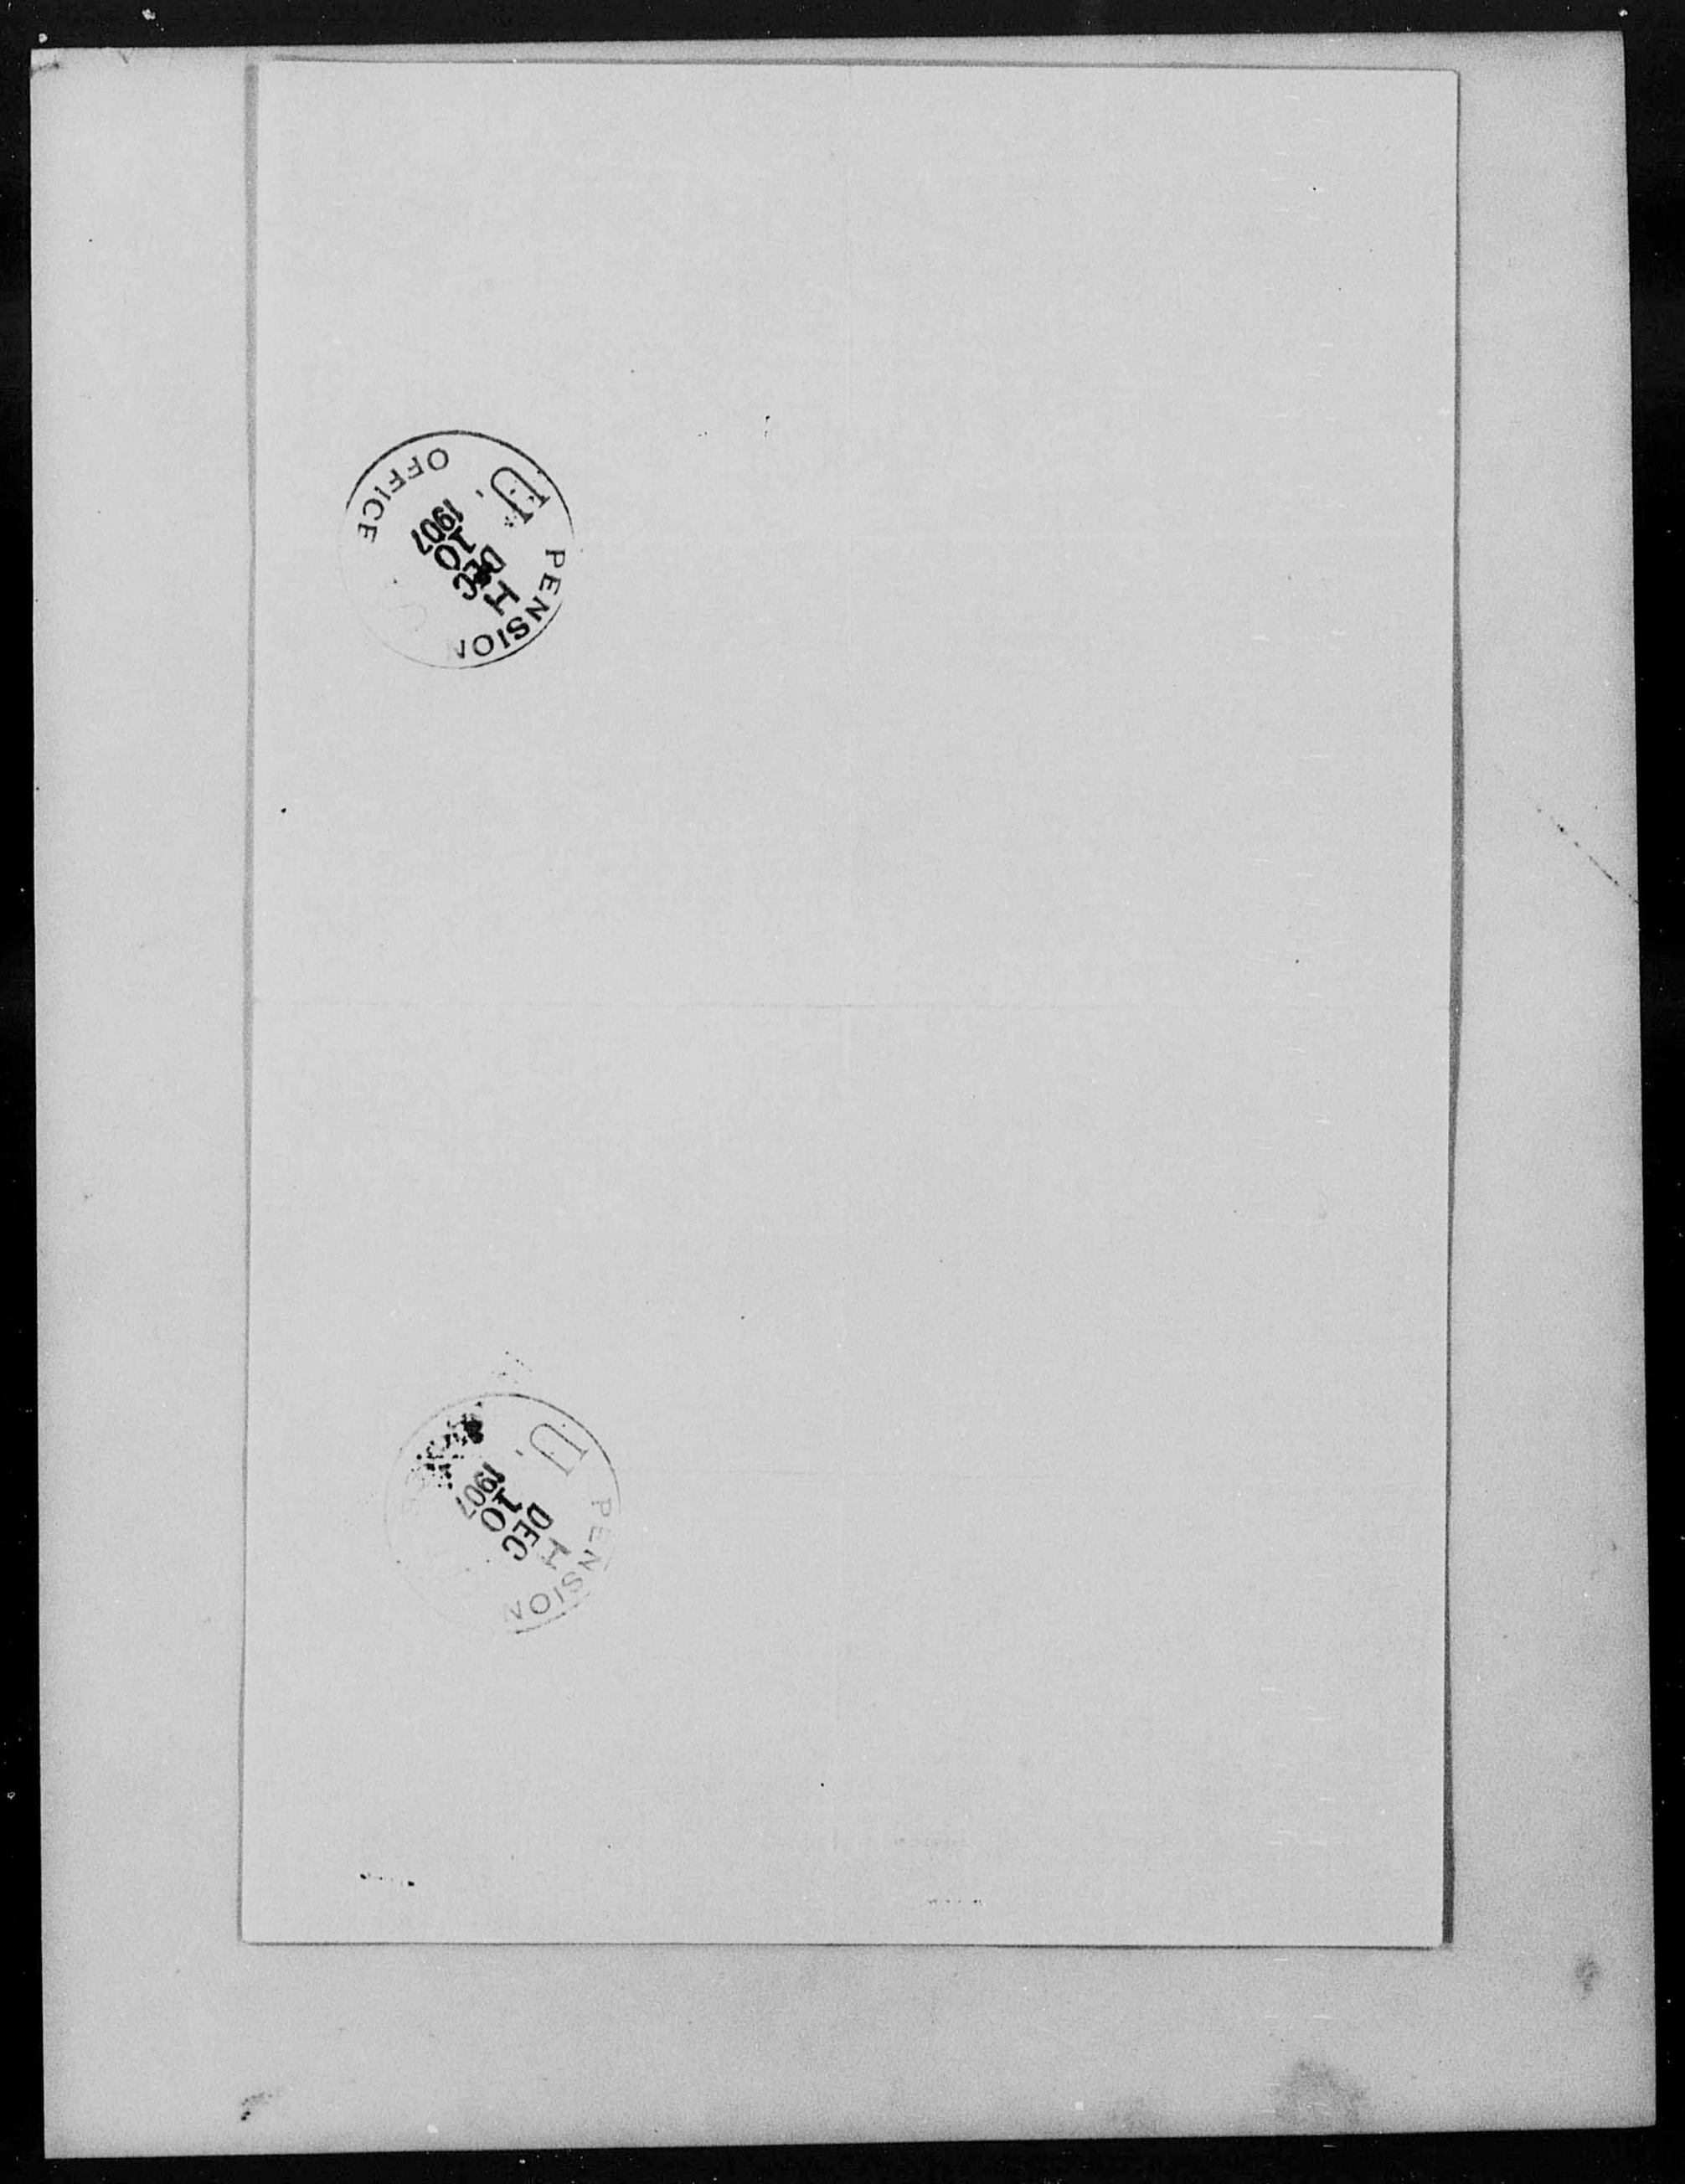US
PENSION OFFICE
DEC 10 1907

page: 29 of 31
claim: survivor's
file: S. 43766, for Amos Parker, Connecticut